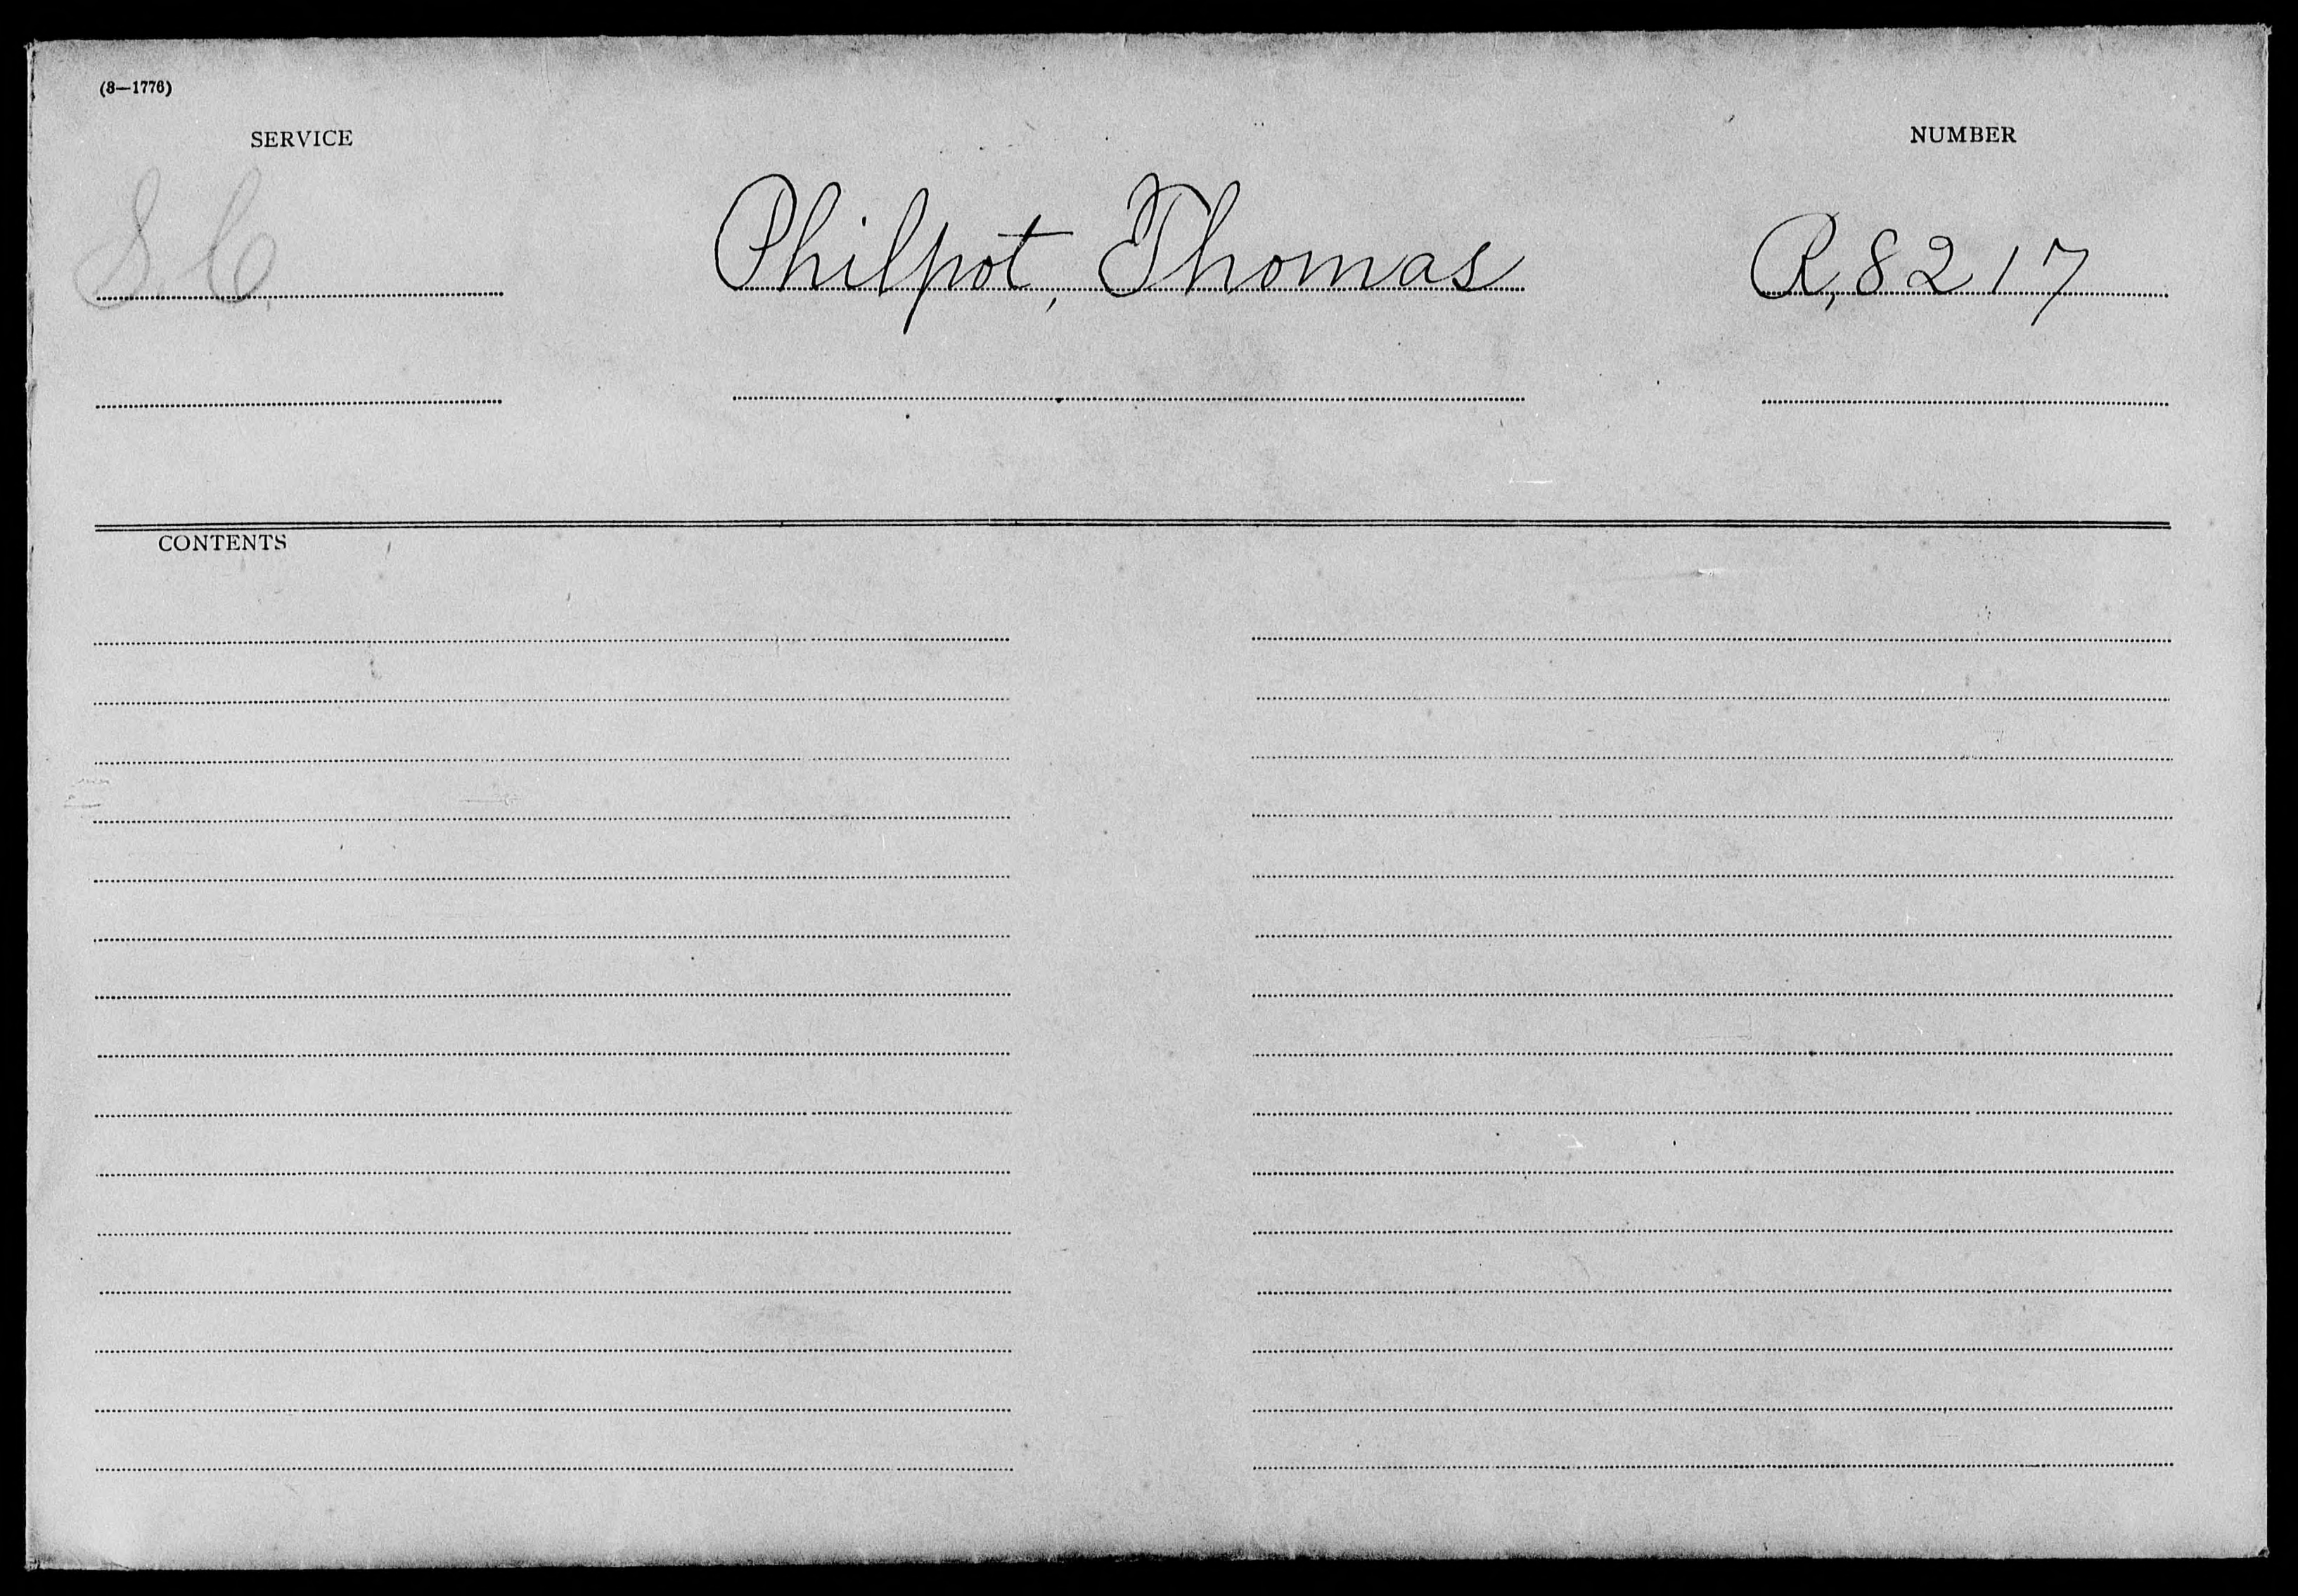SERVICE  SC
Philpot, Thomas
NUMBER  R.8217
CONTENTS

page: 1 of 43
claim: rejected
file: R. 8217, for Thomas Philpot, South Carolina